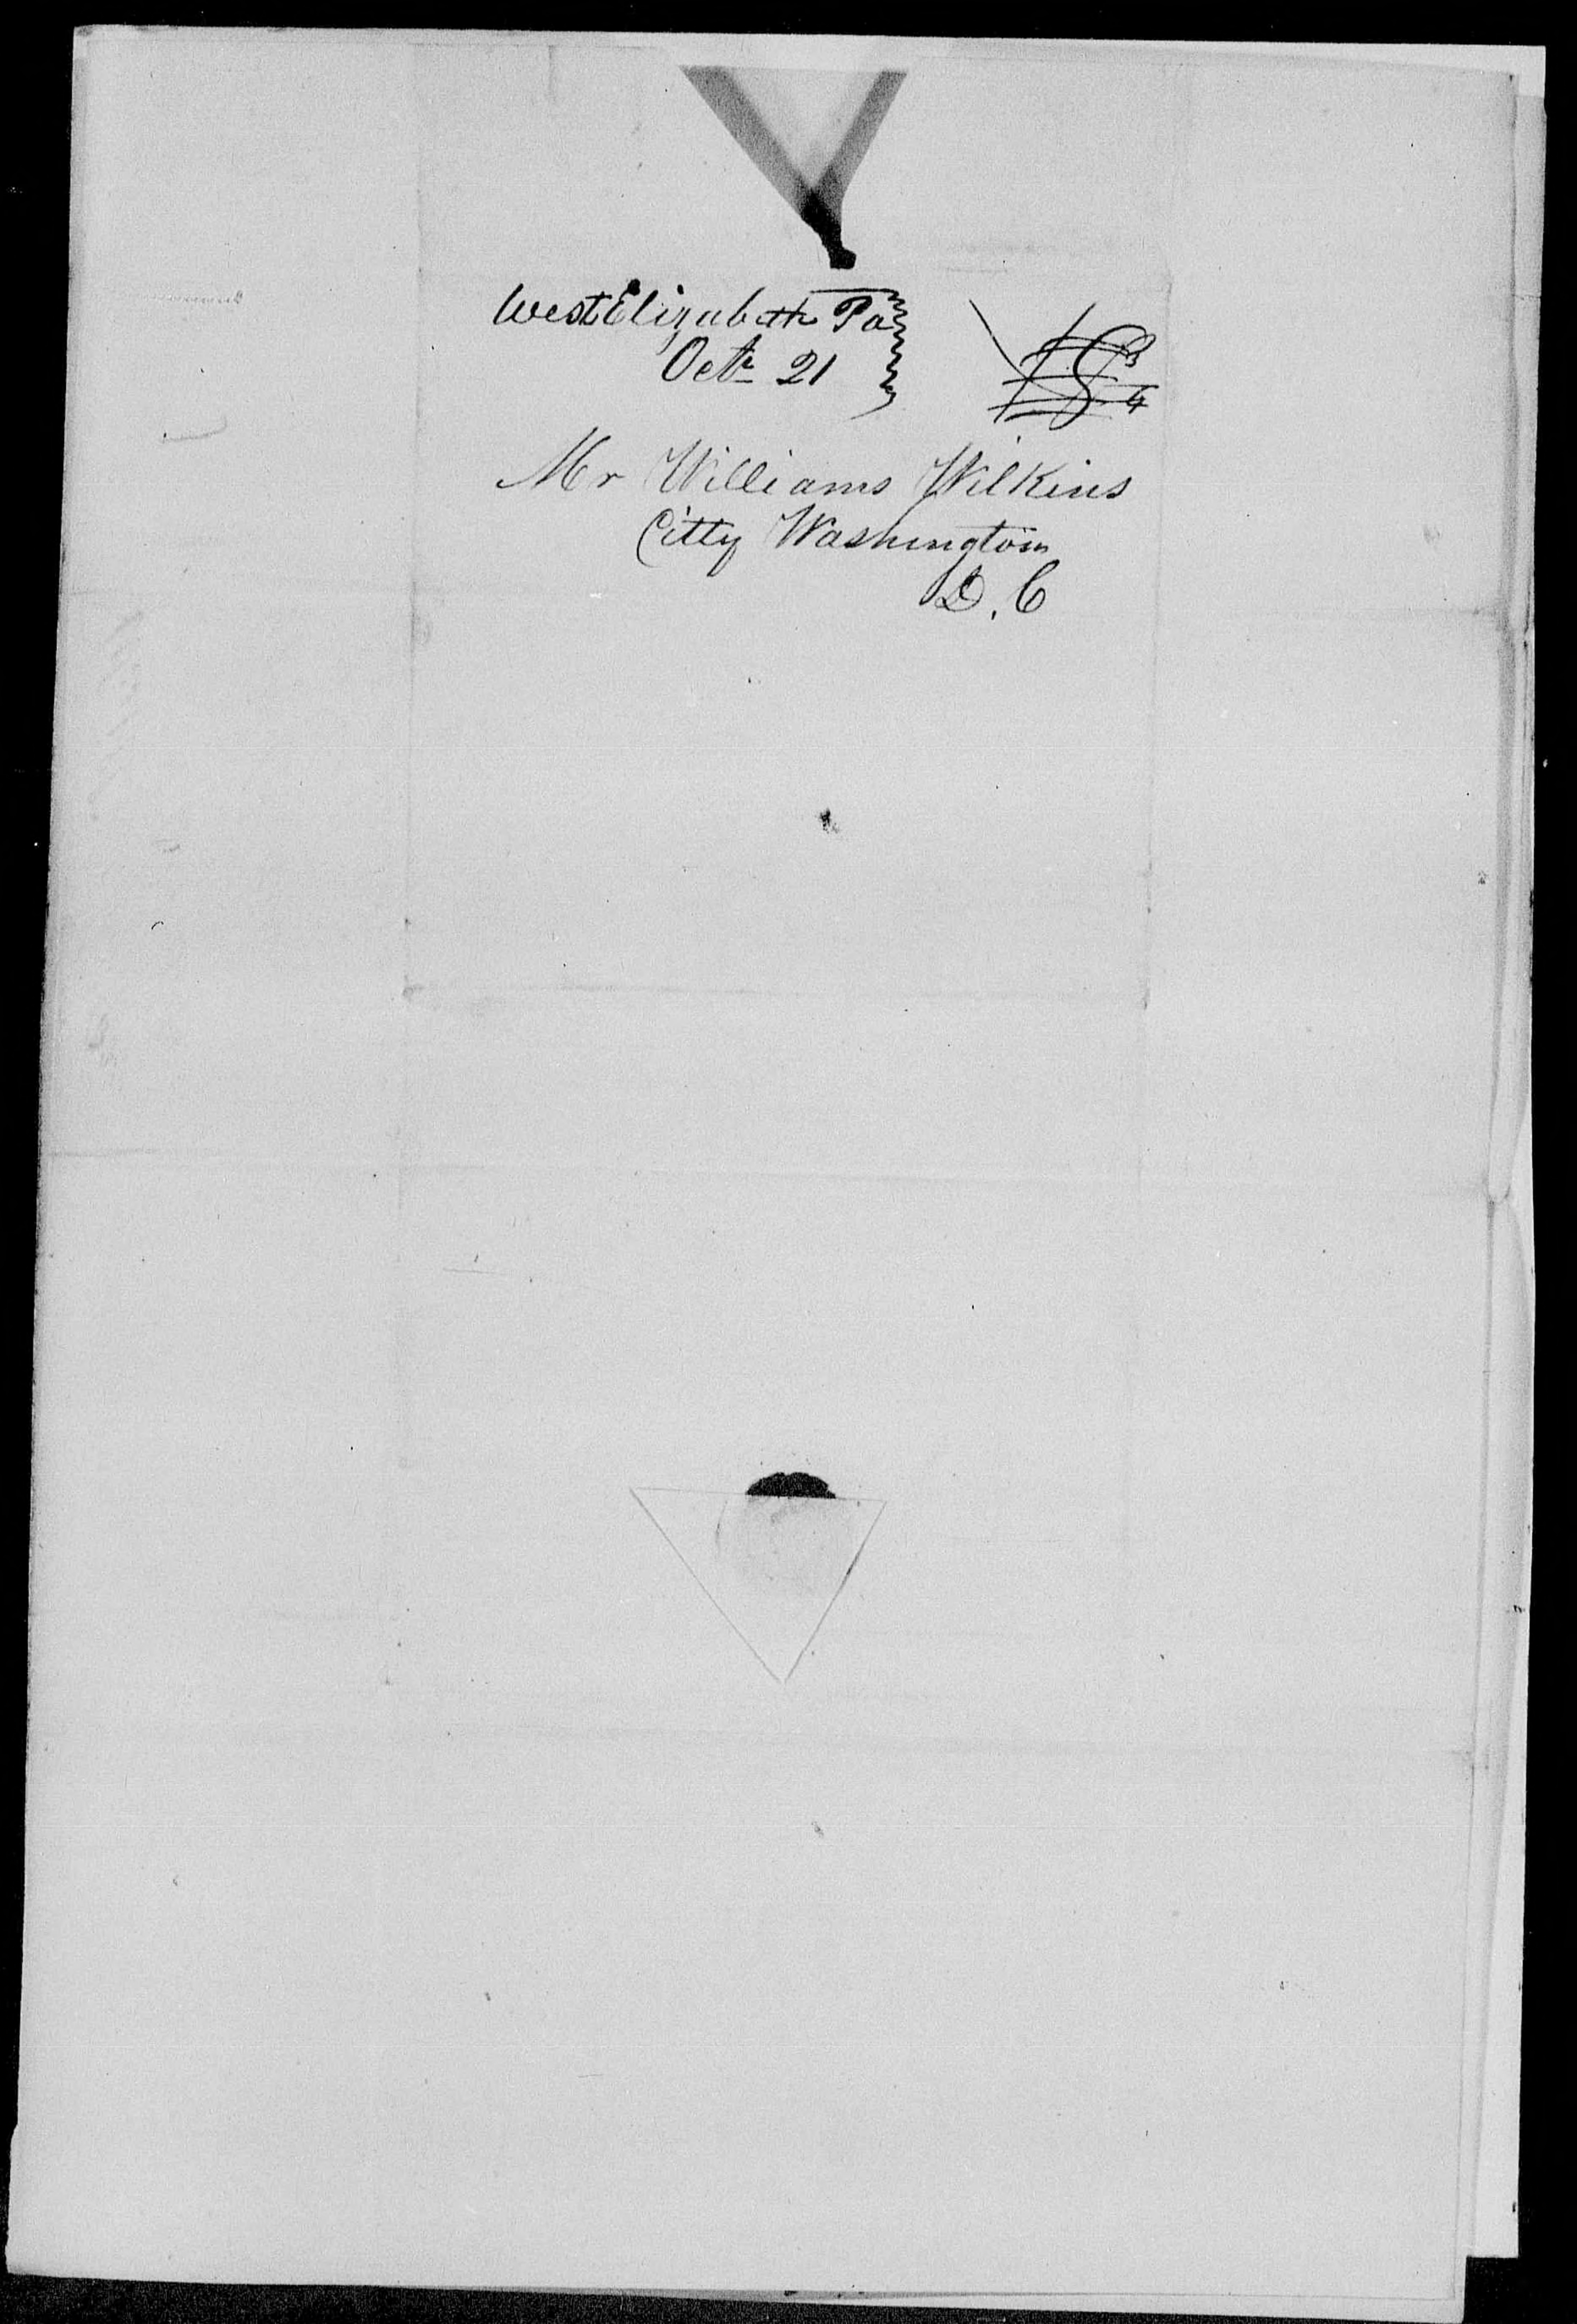West Elizabeth Pa
Oct 21

Mr. William Wilkins
Citty Washington D.C.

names: Williams Wilkins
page: 23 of 35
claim: rejected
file: R. 2066, William Clutter, New Jersey